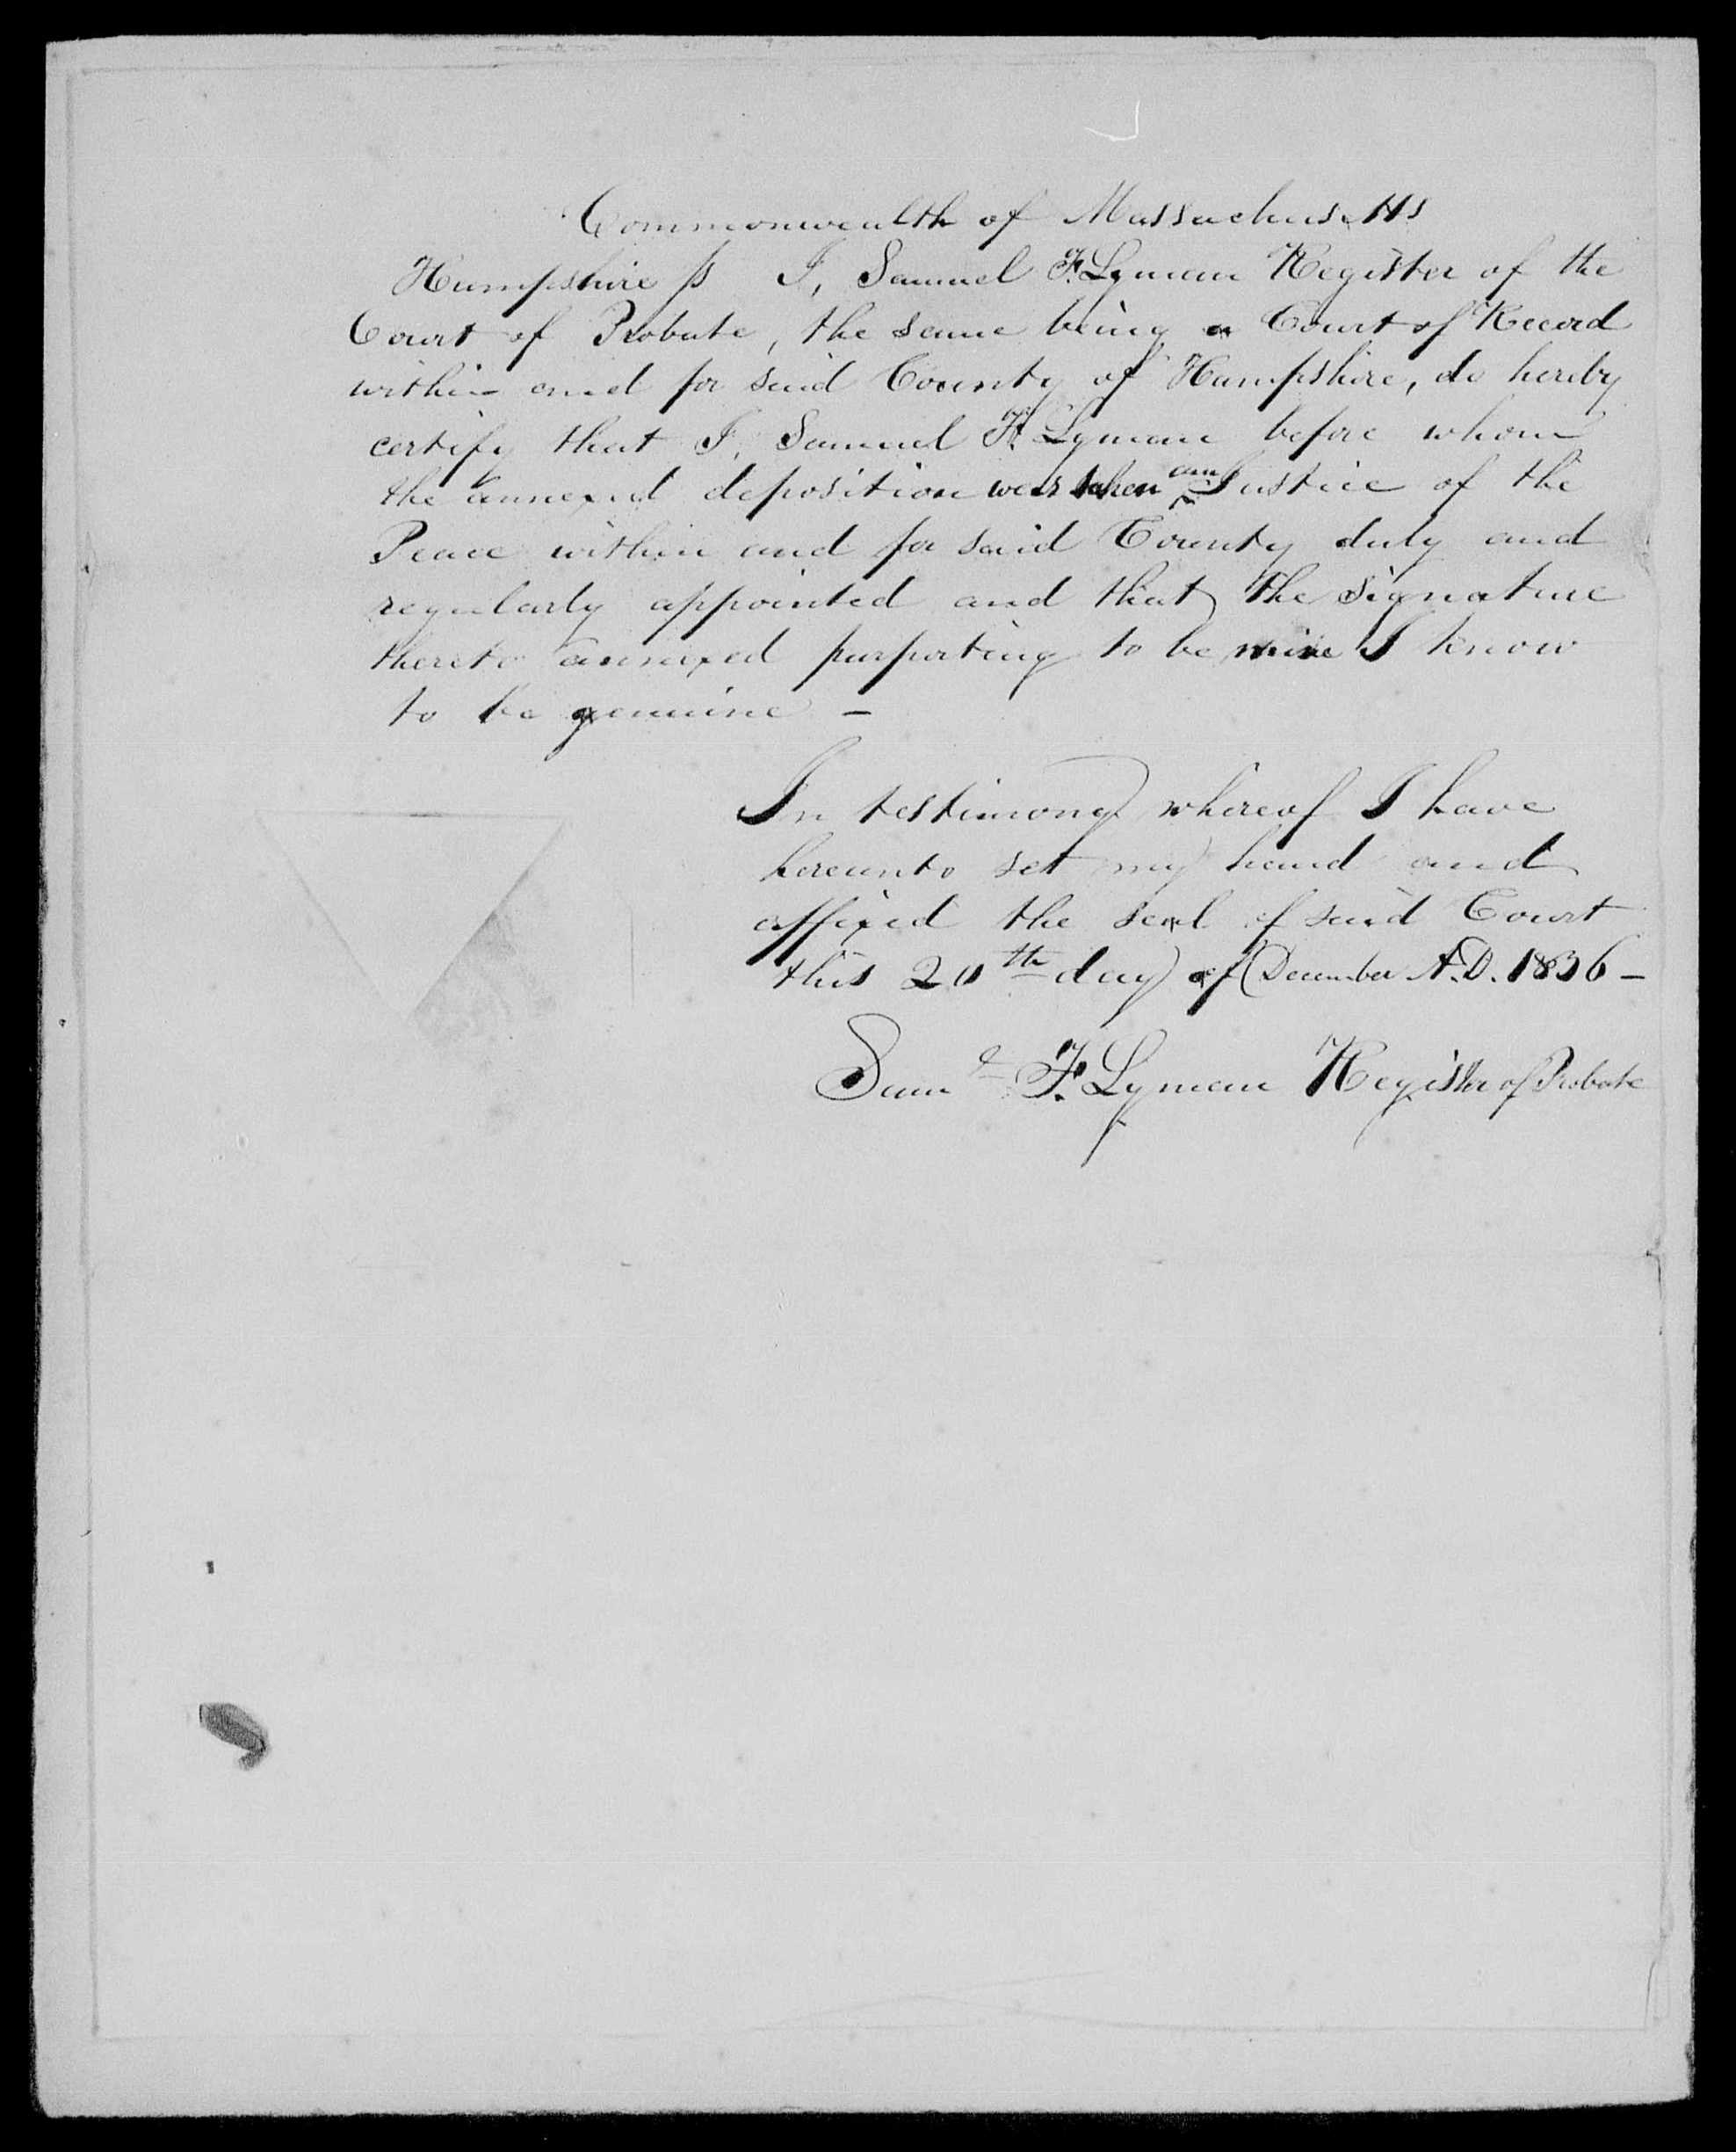Commonwealth of Massachusetts
Hampshire Ss

I, Samuel F Lyman Register of the Court of Probate, the same being Court of Record within and for said County of Hampshire, do hereby certify that I, Samuel F. Lyman before whom the annexed deposition was taken and Justice of the Peace within and for said County duly and regularly appointed and that the signature thereto annexed purporting to be mine I know to be genuine.

In testimony whereof I have hereunto set my hand and affixed the seal of said Court this 20th day of December A.D. 1836 -

Saml F. Lyman Register of Probate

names: Saml F Lyman, Samuel F Lyman, Samuel F Lyman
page: 15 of 26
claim: widow's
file: W. 21,238, Timothy Guilford, Mass.